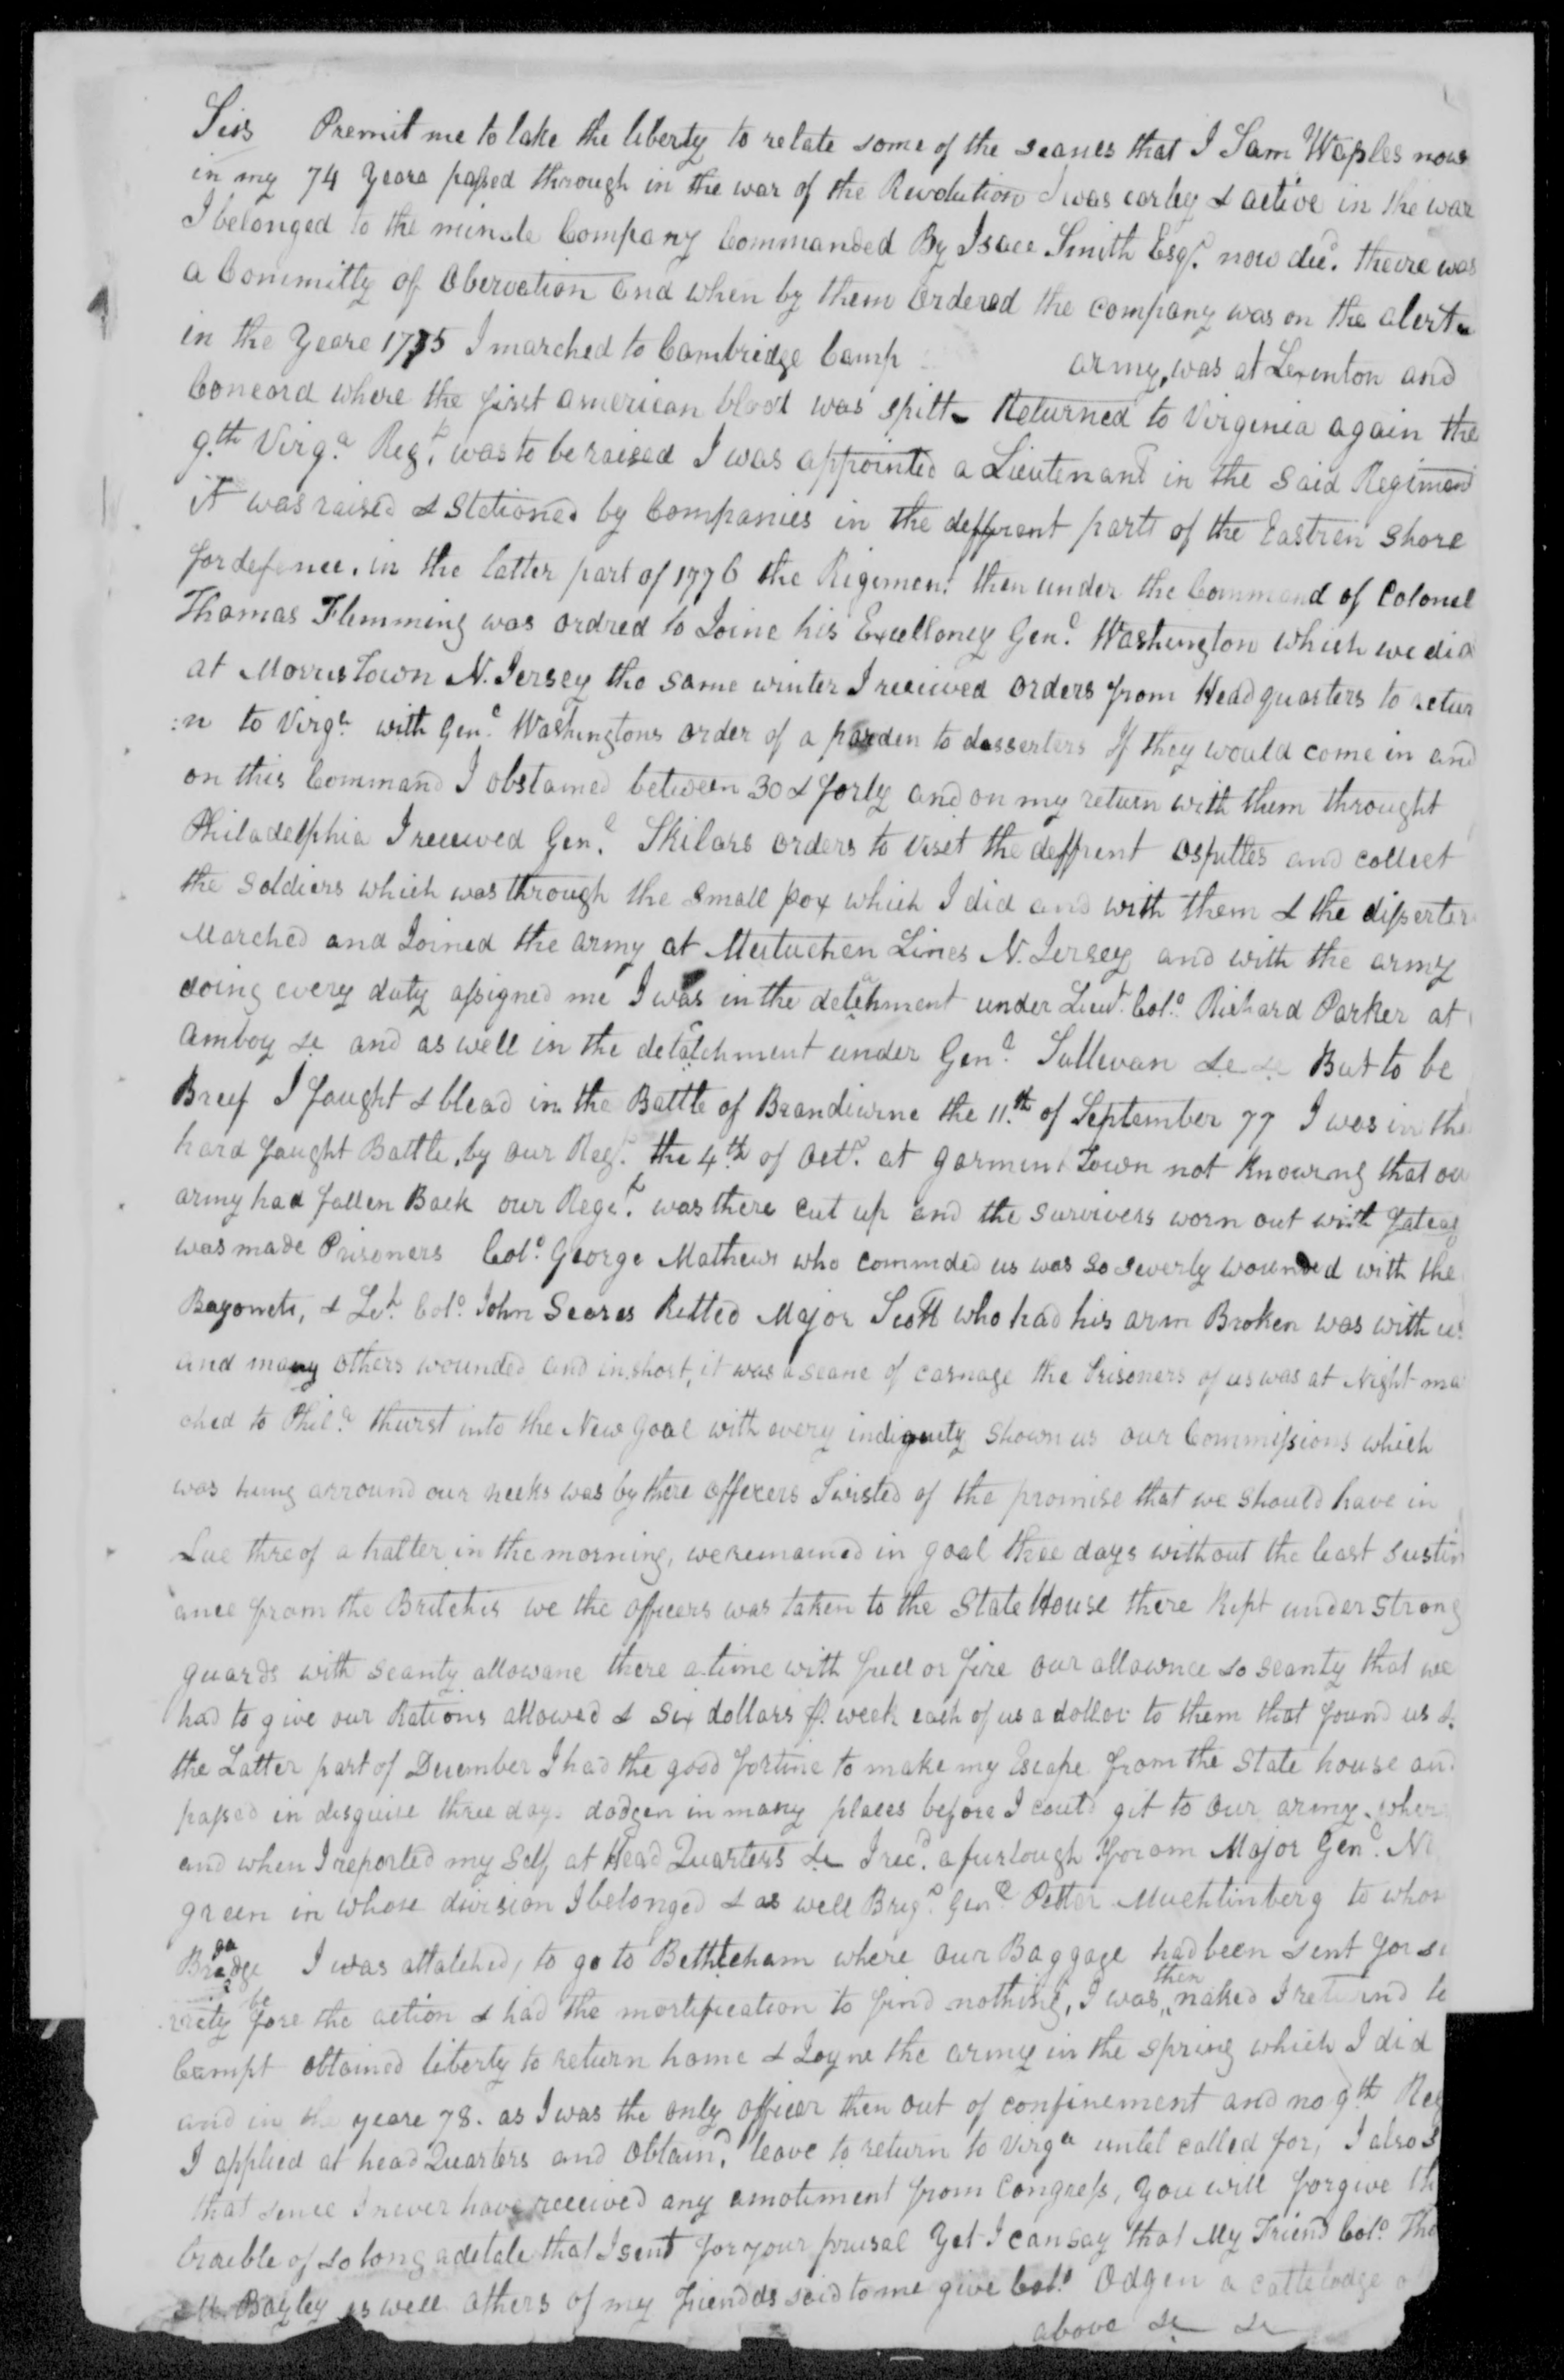Sirs Permit me to take the liberty to relate some of the scenes that I Sam Waples now in my 74 Years passed through in the war of the Revolution I was corby & active in the war
I belonged to the minute Company Commanded by Isaac Smith Esq. now decd. there was a Committy of Observation and when by them Ordered the Company was on the alert - 
in the Yeare 1775 I marched to Cambridge Camp - army, was at Lexinton and Concord where the first American blood was spilt - Returned to Virginia again the 9th. Virga. Regt, was to be raised I was appointed a Lieutenant in the Said Regiment
It was raised & stationed by Companies in the different parts of the Eastern Shore for defence, in the latter part of 1776 the Regiment then under the Command of Colonel Thomas Flemming was ordered to Join his Excellency Genl. Washington which we did at Morris Town N. Jersey the same winter I received Orders from Headquarters to return on to Virga. with Genl. Washingtons order of a pardon to desserters If they would come in and on this Command I obstained between 30 & forty and on my return with them throught Philadelphia I received Genl. Skilars orders to visit the different Ospitles and collect the Soldiers which was through the Small pox which I did and with them & the disserters marched and Joined the army at Mutuchen Lines N. Jersey and with the army doing every duty assigned me I was in the detachment under Lieut. Colo. Richard Parker at Amboy &c. and as well in the detachment under Genl. Sullivan decd. But to be Brief I fought & bled in the Battle of Brandiwine the 11th. of September 77 I was in the hard fought Battle by our Regt. the 4th of Octr. at German Town not knowing that our army had fallen Back our Regt. was there cut up and the survivors worn out with fatigue was made Prisoners Colo. George Mathews who commded us was so severly wounded with the Bayonets, & Lut. Colo. Scores Killed Major Scott who had is arm Broken was with us and many others wounded and in short, it was a scene of corrage the Prisoners of us was at Night marched to Phila. thurst into the New  Goal with every indignity Shown us our Commissions which was hung around our necks was by these Officers Twisted of the promise that we should have in Lue thereof a halter, in the morning, we Remained in goal three days without the last sustenance from the Britches we the Officers was taken to the State House there Kept under strong guard s with scanty allowance there a time with fuel on fire our allownce so scanty that we had to give our Rations allowed & six dollars p. week each of us a dollar to them that found us & the Latter part of December I had the good fortune to make my Escape from the State house and passed in disguise three days dodgen in many places before I could git to our army where and when I reported myself at Head Quarters &c. I recd. a furlough from Major Genl. N Green in whose division I belonged & as well Brigd. Genl. Petton Muchlinbuerg to whose Bridge. I was attached, to go to Bethleham where our Baggage had been sent [illegible] fore the action & had the mortification to find nothing, I was then naked I returned to Campt obtained liberty to return home & Joyne the army in the spring which I did and in the year 78, as I was the only officer then out of confinement and no 9th Reg I applied at head Quaters and Obtaind. leave to return to Virga. until called for, I also that since I never have received any amotement from Congress, you will forgive the trouble of so long a detale that I sent for your prusal yet I can say that My Friend Colo. Thomas M. Bayley as well others of my friends said to me give Colo. Ogden a cattledge as
above &c &c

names: Green, Saml Waples, Odgen, Scott, Petton, John Scares, Skilars, Isaac Smith, George Mathews, Washington, Sullivan, Thomas Flemming, Tho Bayley, Washington, Richard Parker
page: 49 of 59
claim: widow's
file: W. 6427, Samuel Waples, Va.